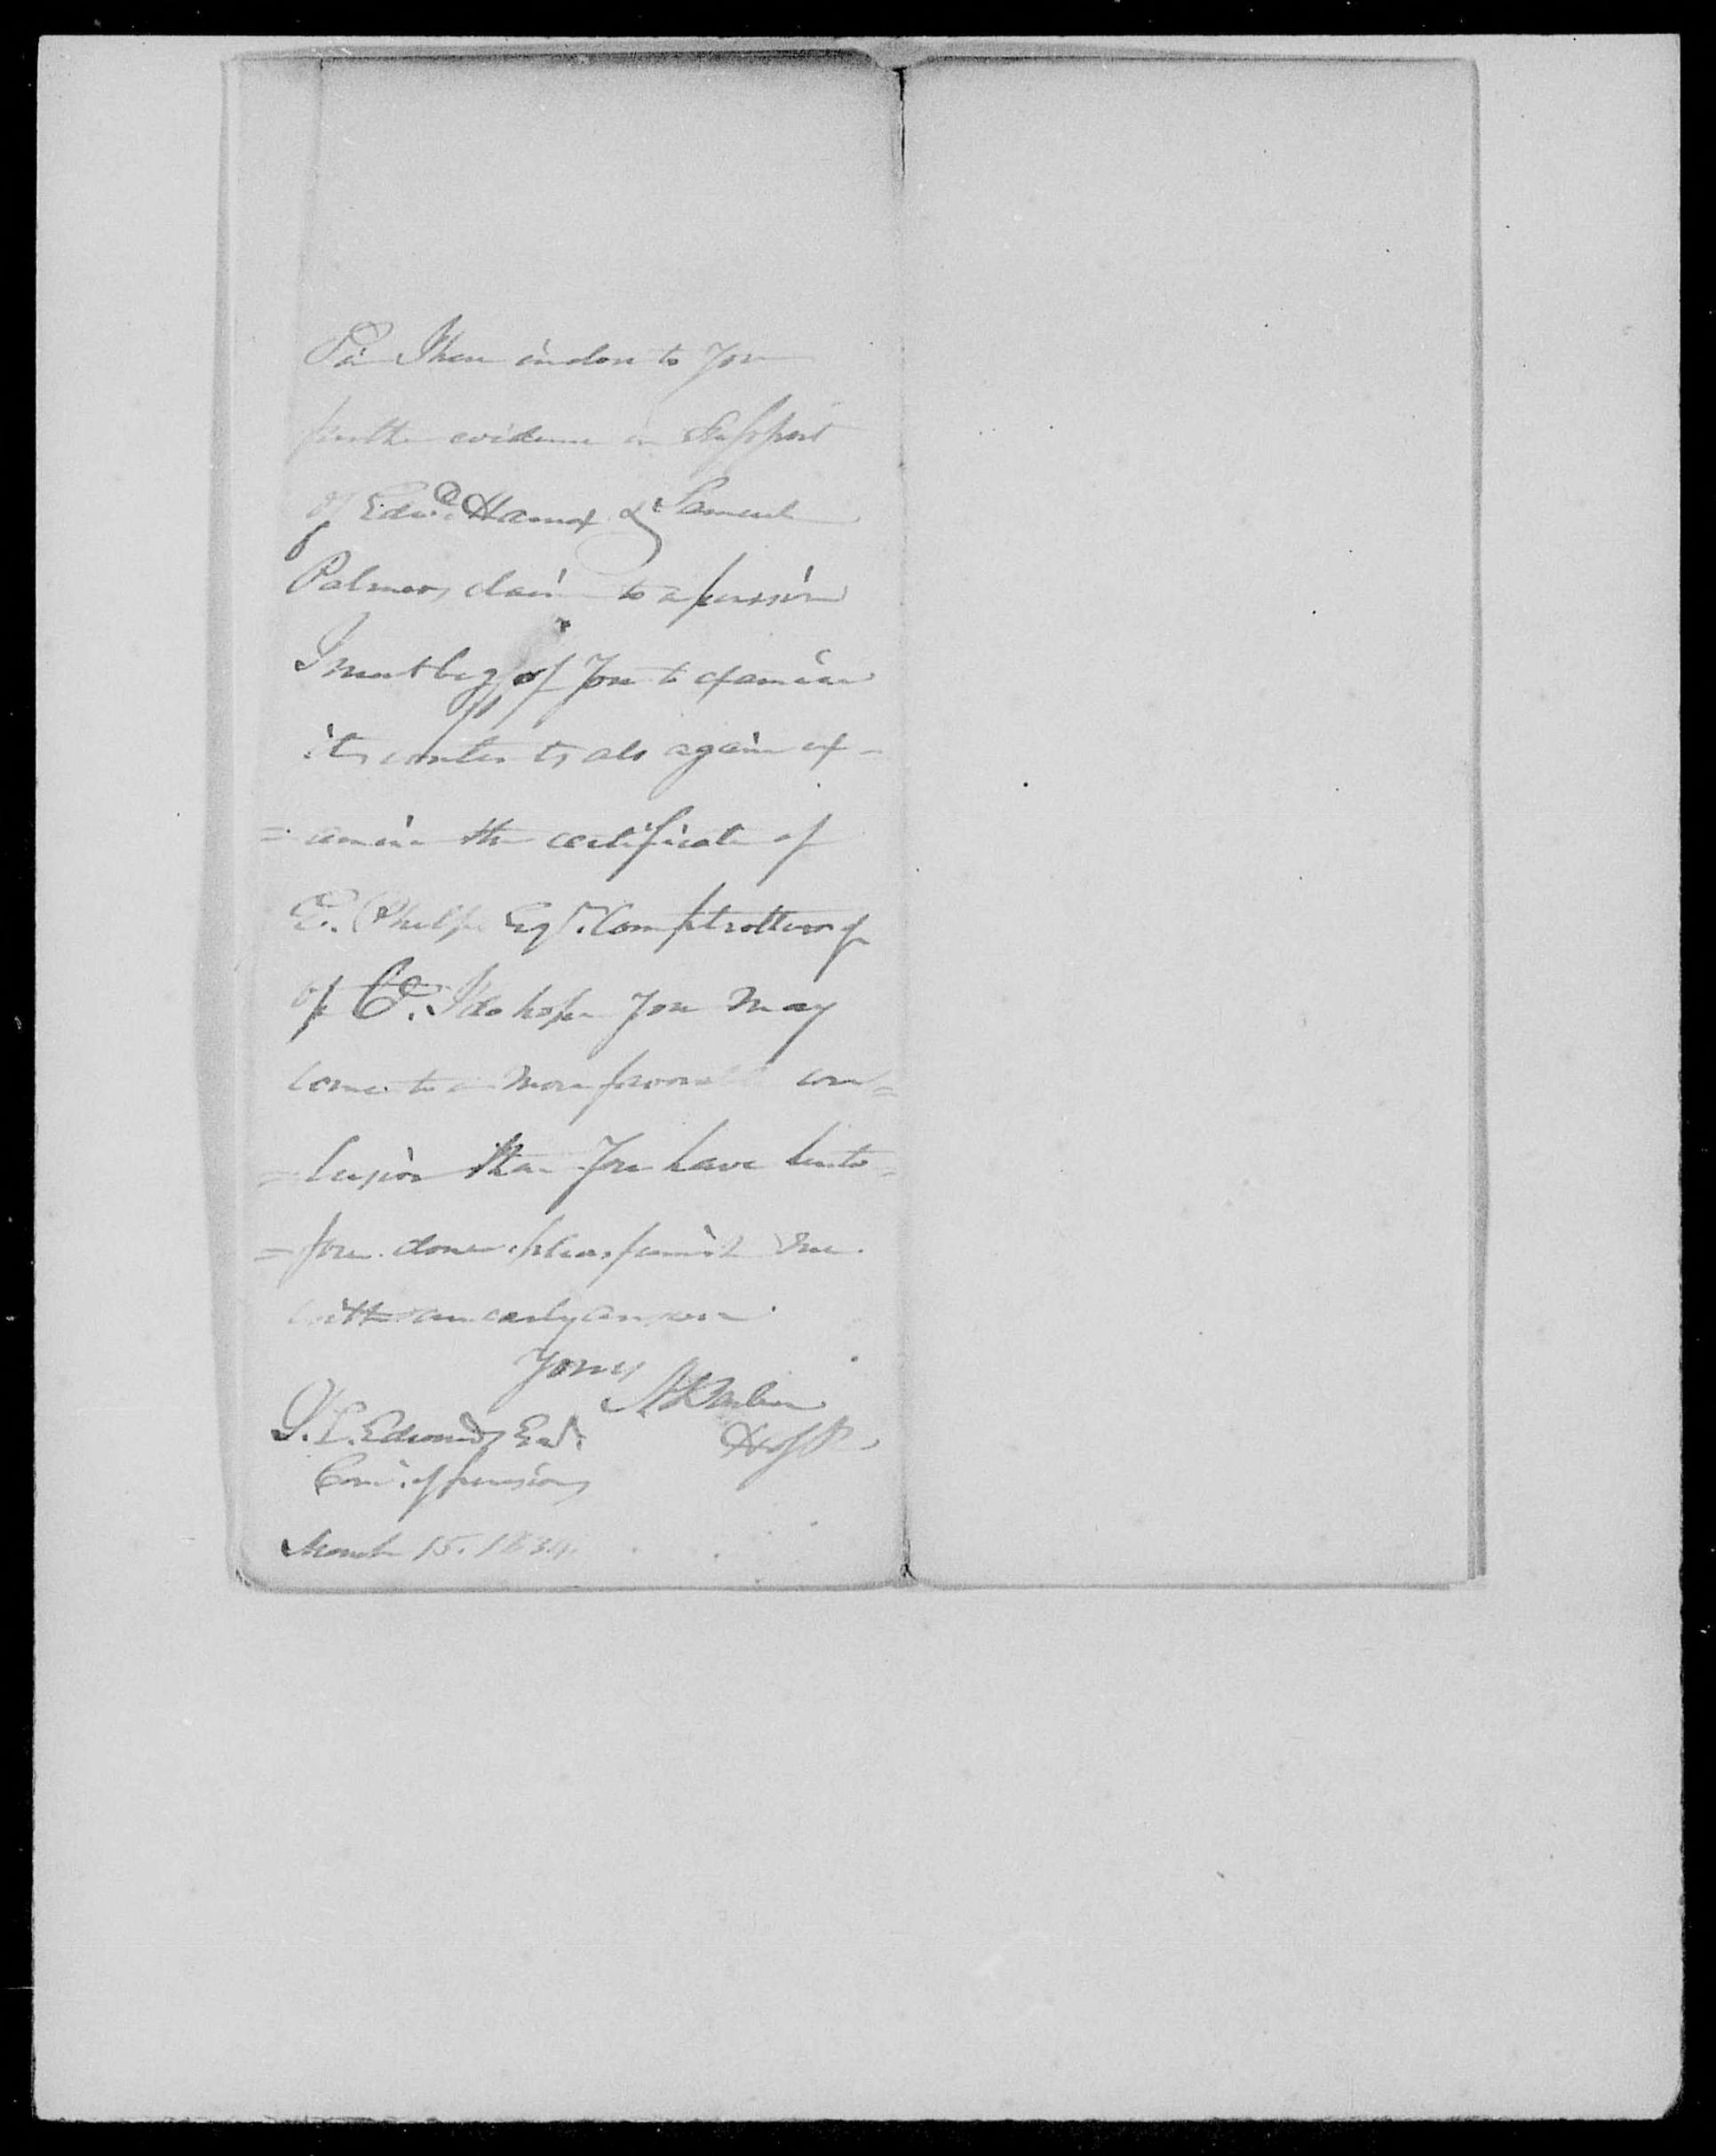Sir
I have enclose to you  from
the evidence in support
of Edwd Hancox
Samuel Palmers claim to a pension
I must beg of you to examine it's contents all again in [illegible] the certificate of
E. Phelps by Comptrollery of Co. I do hope you may come to a more favorable  conclusion ]than  [illegible] have heretofore done  [illegible]  [illegible] 
With an early answer
Yours
 [illegible]  [illegible]  [illegible] 

J. L. Edwards Esq
Commissioner of Pensions
March 15, 1834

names: Edwd Hancox, Samuel Palmer, J L Edwards, Phelps, Hopkins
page: 16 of 26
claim: survivor's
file: S. 16843, Edward Hancox, Conn.